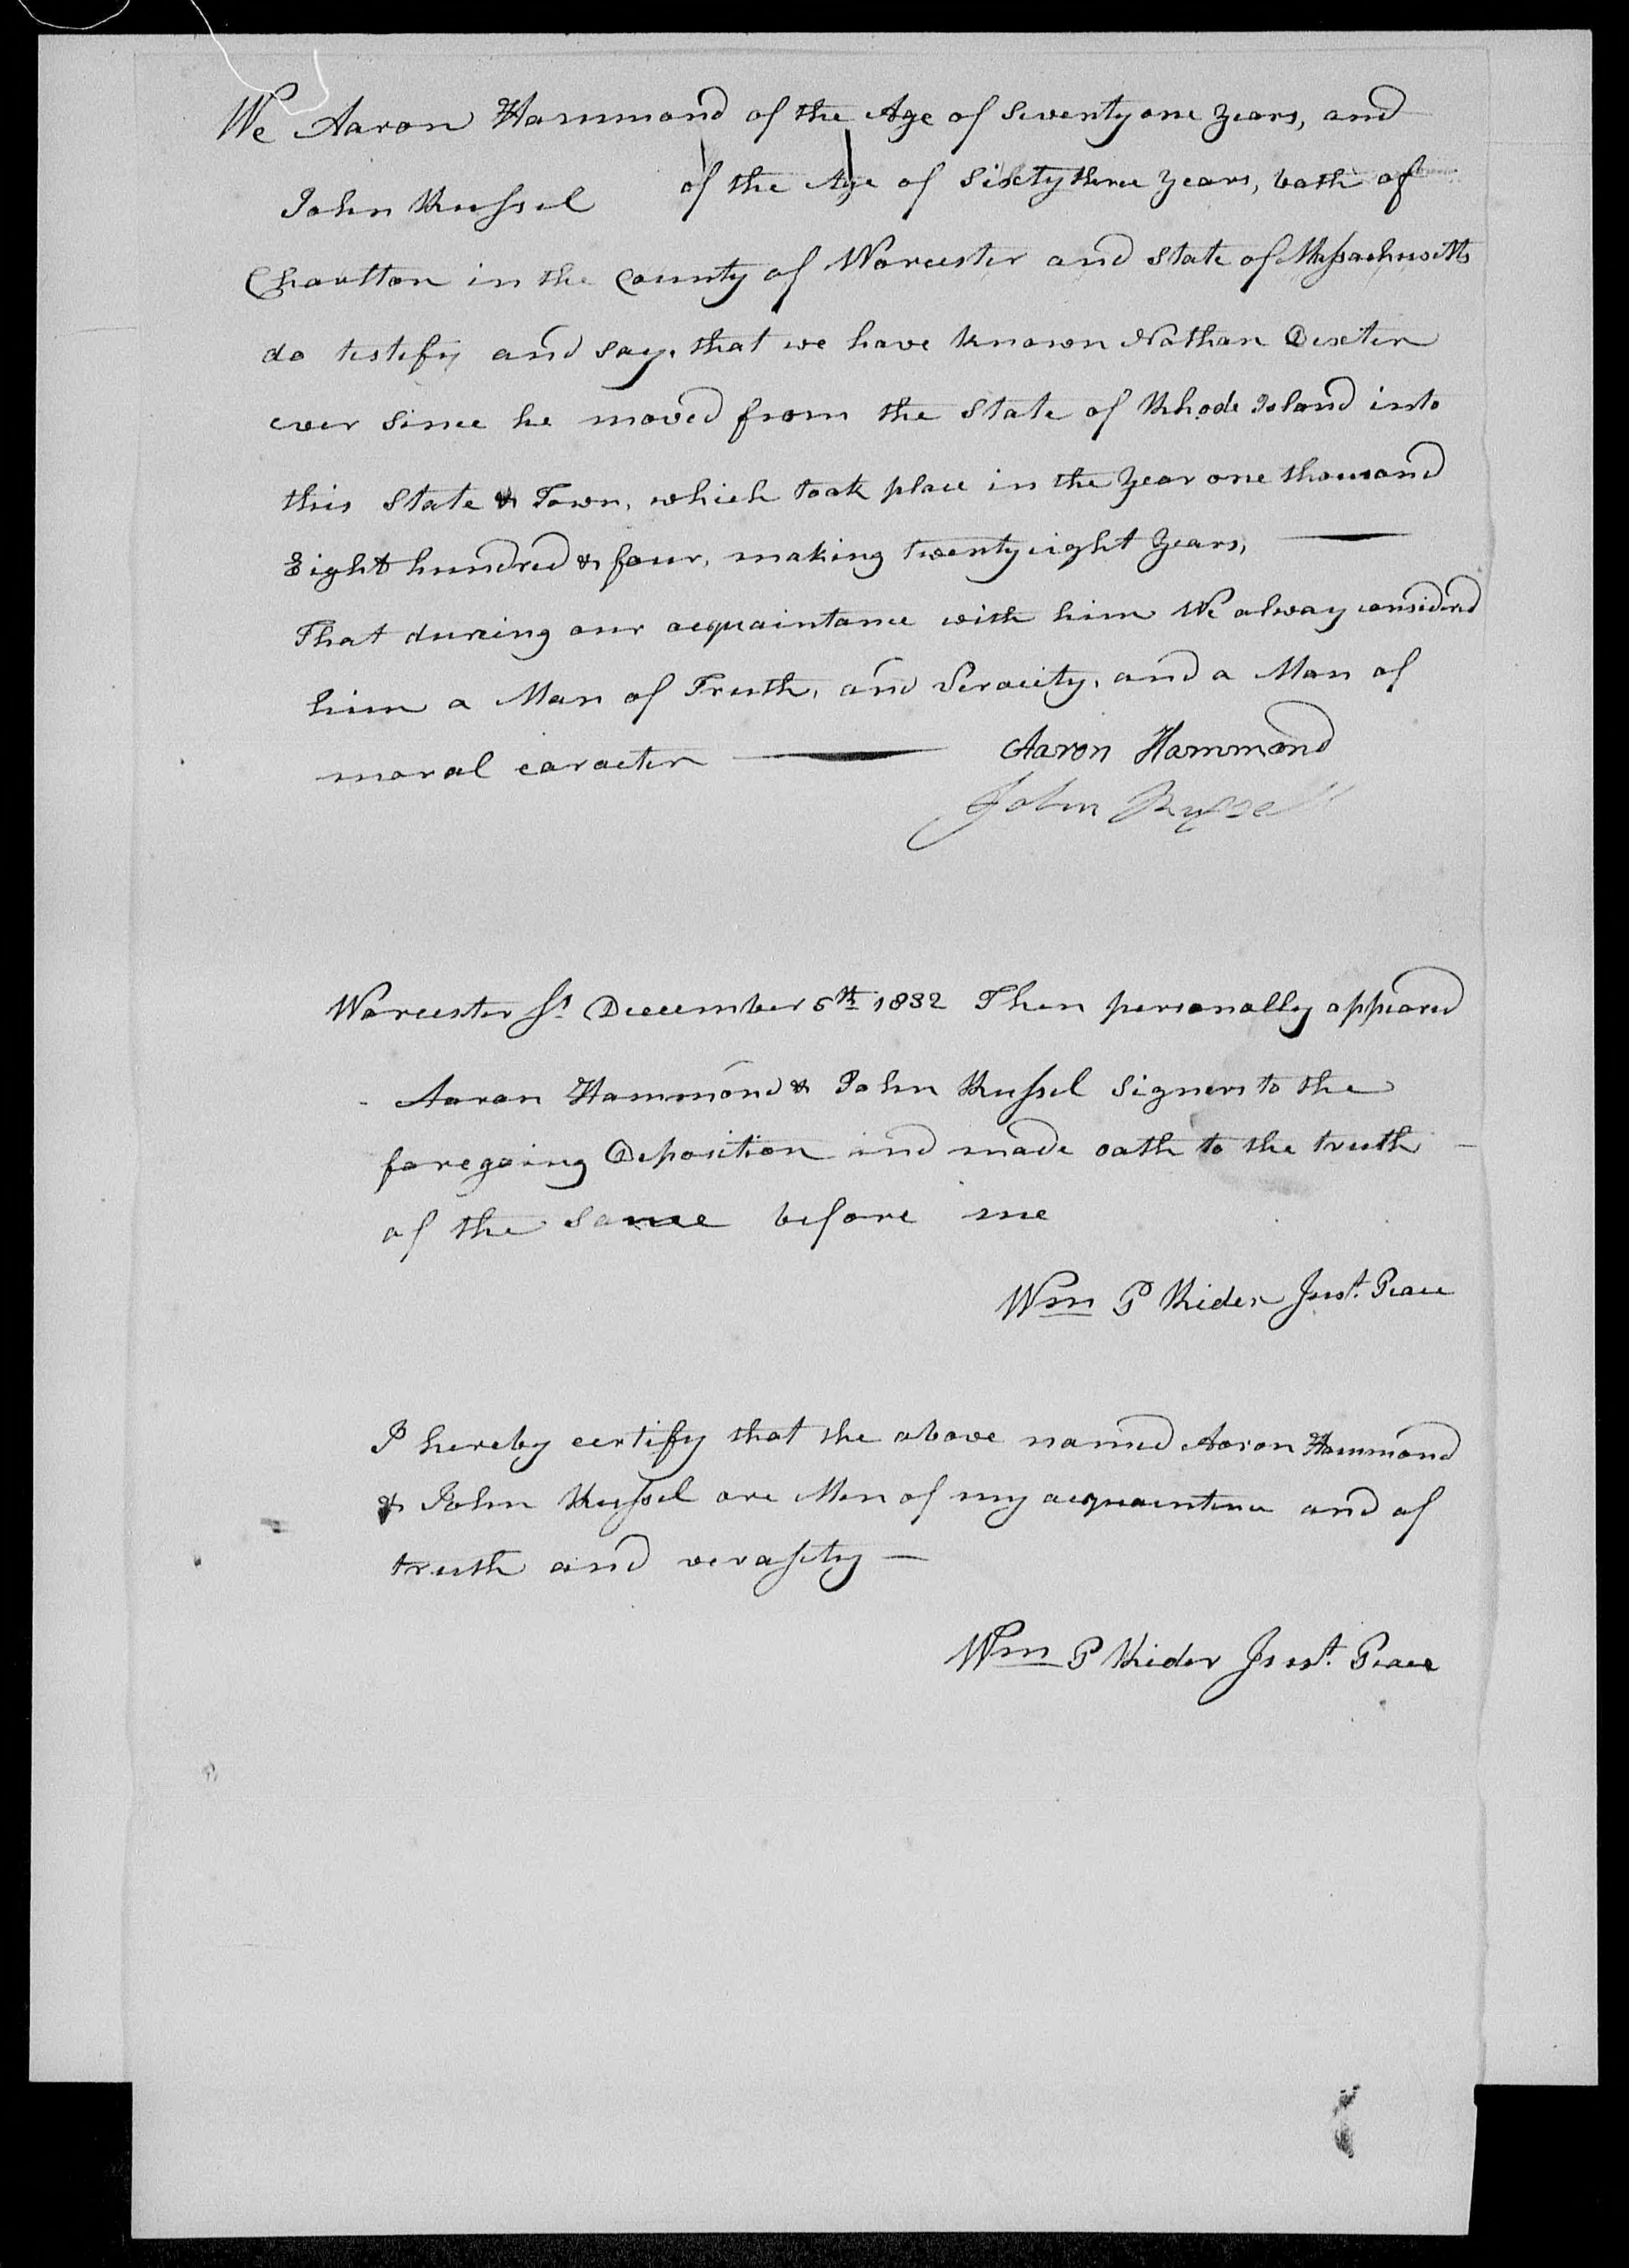We Aaron Hammond of the Age of Seventy one years, and John Russel of the Age of Sixty three years, both of Charlton in the County of Worcester and State of Massachusetts
do testify and say, that we have known Nathan Dexter ever since he moved from the State of Rhode Island into this state & town, which took place in the year one thousand
eight hundred & four, making twenty eight years,
That during our acquaintance with him always considered him a Man of Truth, and Veracity, and a Man of moral character.
Aaron Hammond
John Russell
Worcester ss December 5th 1832 
Then personally appeared Aaron Hammond & John Russel signers to the foregoing Deposition and made oath to the truth of the same before me
Wm G Rider Just. Peace
I hereby certify that the above named Aaron Hammond  & John Russel are Men of my acquaintance and of truth and veracity -
Wm G Rider Just. Peace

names: John Russel, Aaron Hammond, John Russell, Aaron Hammond, Aaron Hammond, John Russel, John Russell, Aaron Hammond, Wm G Rider, Nathan Dexter, Wm G Rider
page: 26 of 35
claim: survivor's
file: S. 18374, Nathan Dexter, R.I.